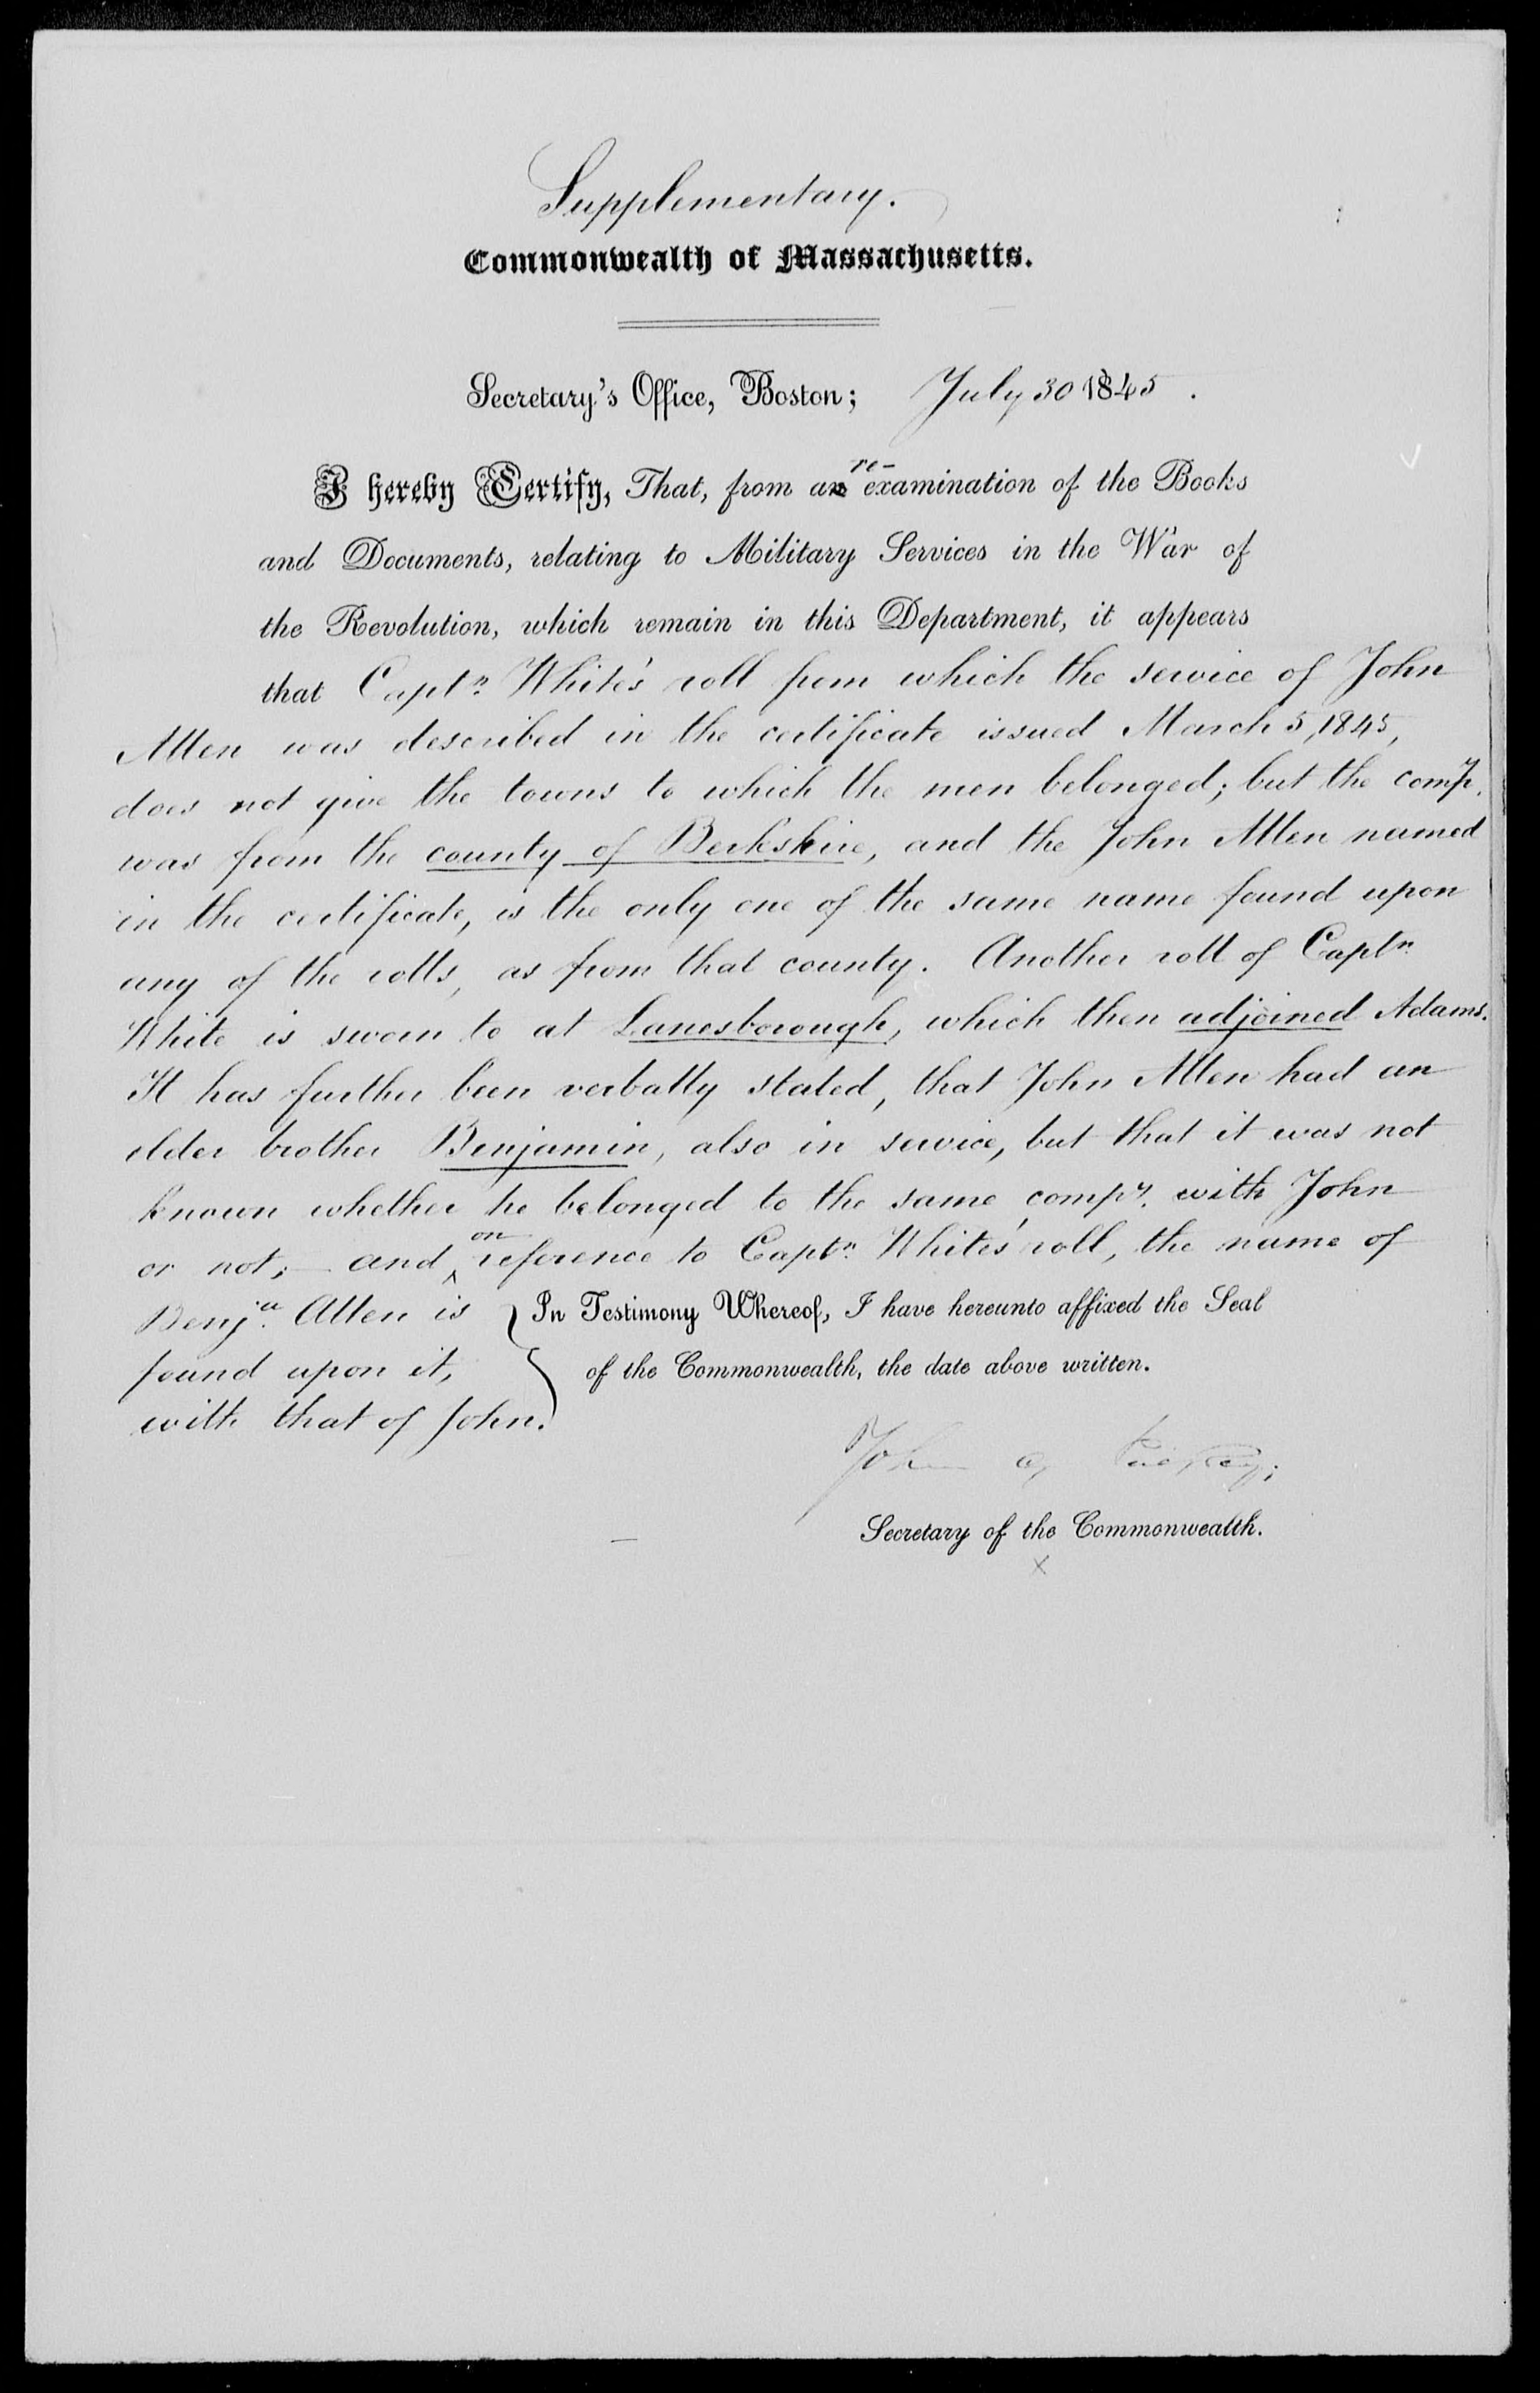Supplementary. 
Commonwealth of Massachusetts. 
Secretary's Office, Boston; July 30 1845
I hereby Certify, That, from an examination of the Books and Documents, relating to Military Services in the War of the Revolution, which remain in this Department, it appears that Captn White’s roll from which the service of John Allen was described in the certificate issued March 5, 1845, does not give the towns to which the men belonged, but the comp. was from the county of Berkshire, and the John Allen named in the certificate, is the only one of the same name found upon any of the rolls, as from that county. Another roll of Captn White is sworn to at Lanesborough, which then adjoined Adams. It has further been verbally stated, that John Allen had an elder brother Benjamin, also in service, but that it was not known whether he belonged to the same compy with John or not, and ^on reference to Captn White’s roll, the name of Benj. Allen is found upon it, with that of John}
 In Testimony Whereof, I have hereunto affixed the Seal of the Commonwealth, the date above written. John G. Palfrey
 Secretary of the Commonwealth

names: John, White, John Allen, John G Paisley, Adams, John Allen, White, White, John, Benjamin, Benjn Allen, John Allen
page: 39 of 74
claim: widow's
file: W. 23424, John Allen, Mass. R. I.